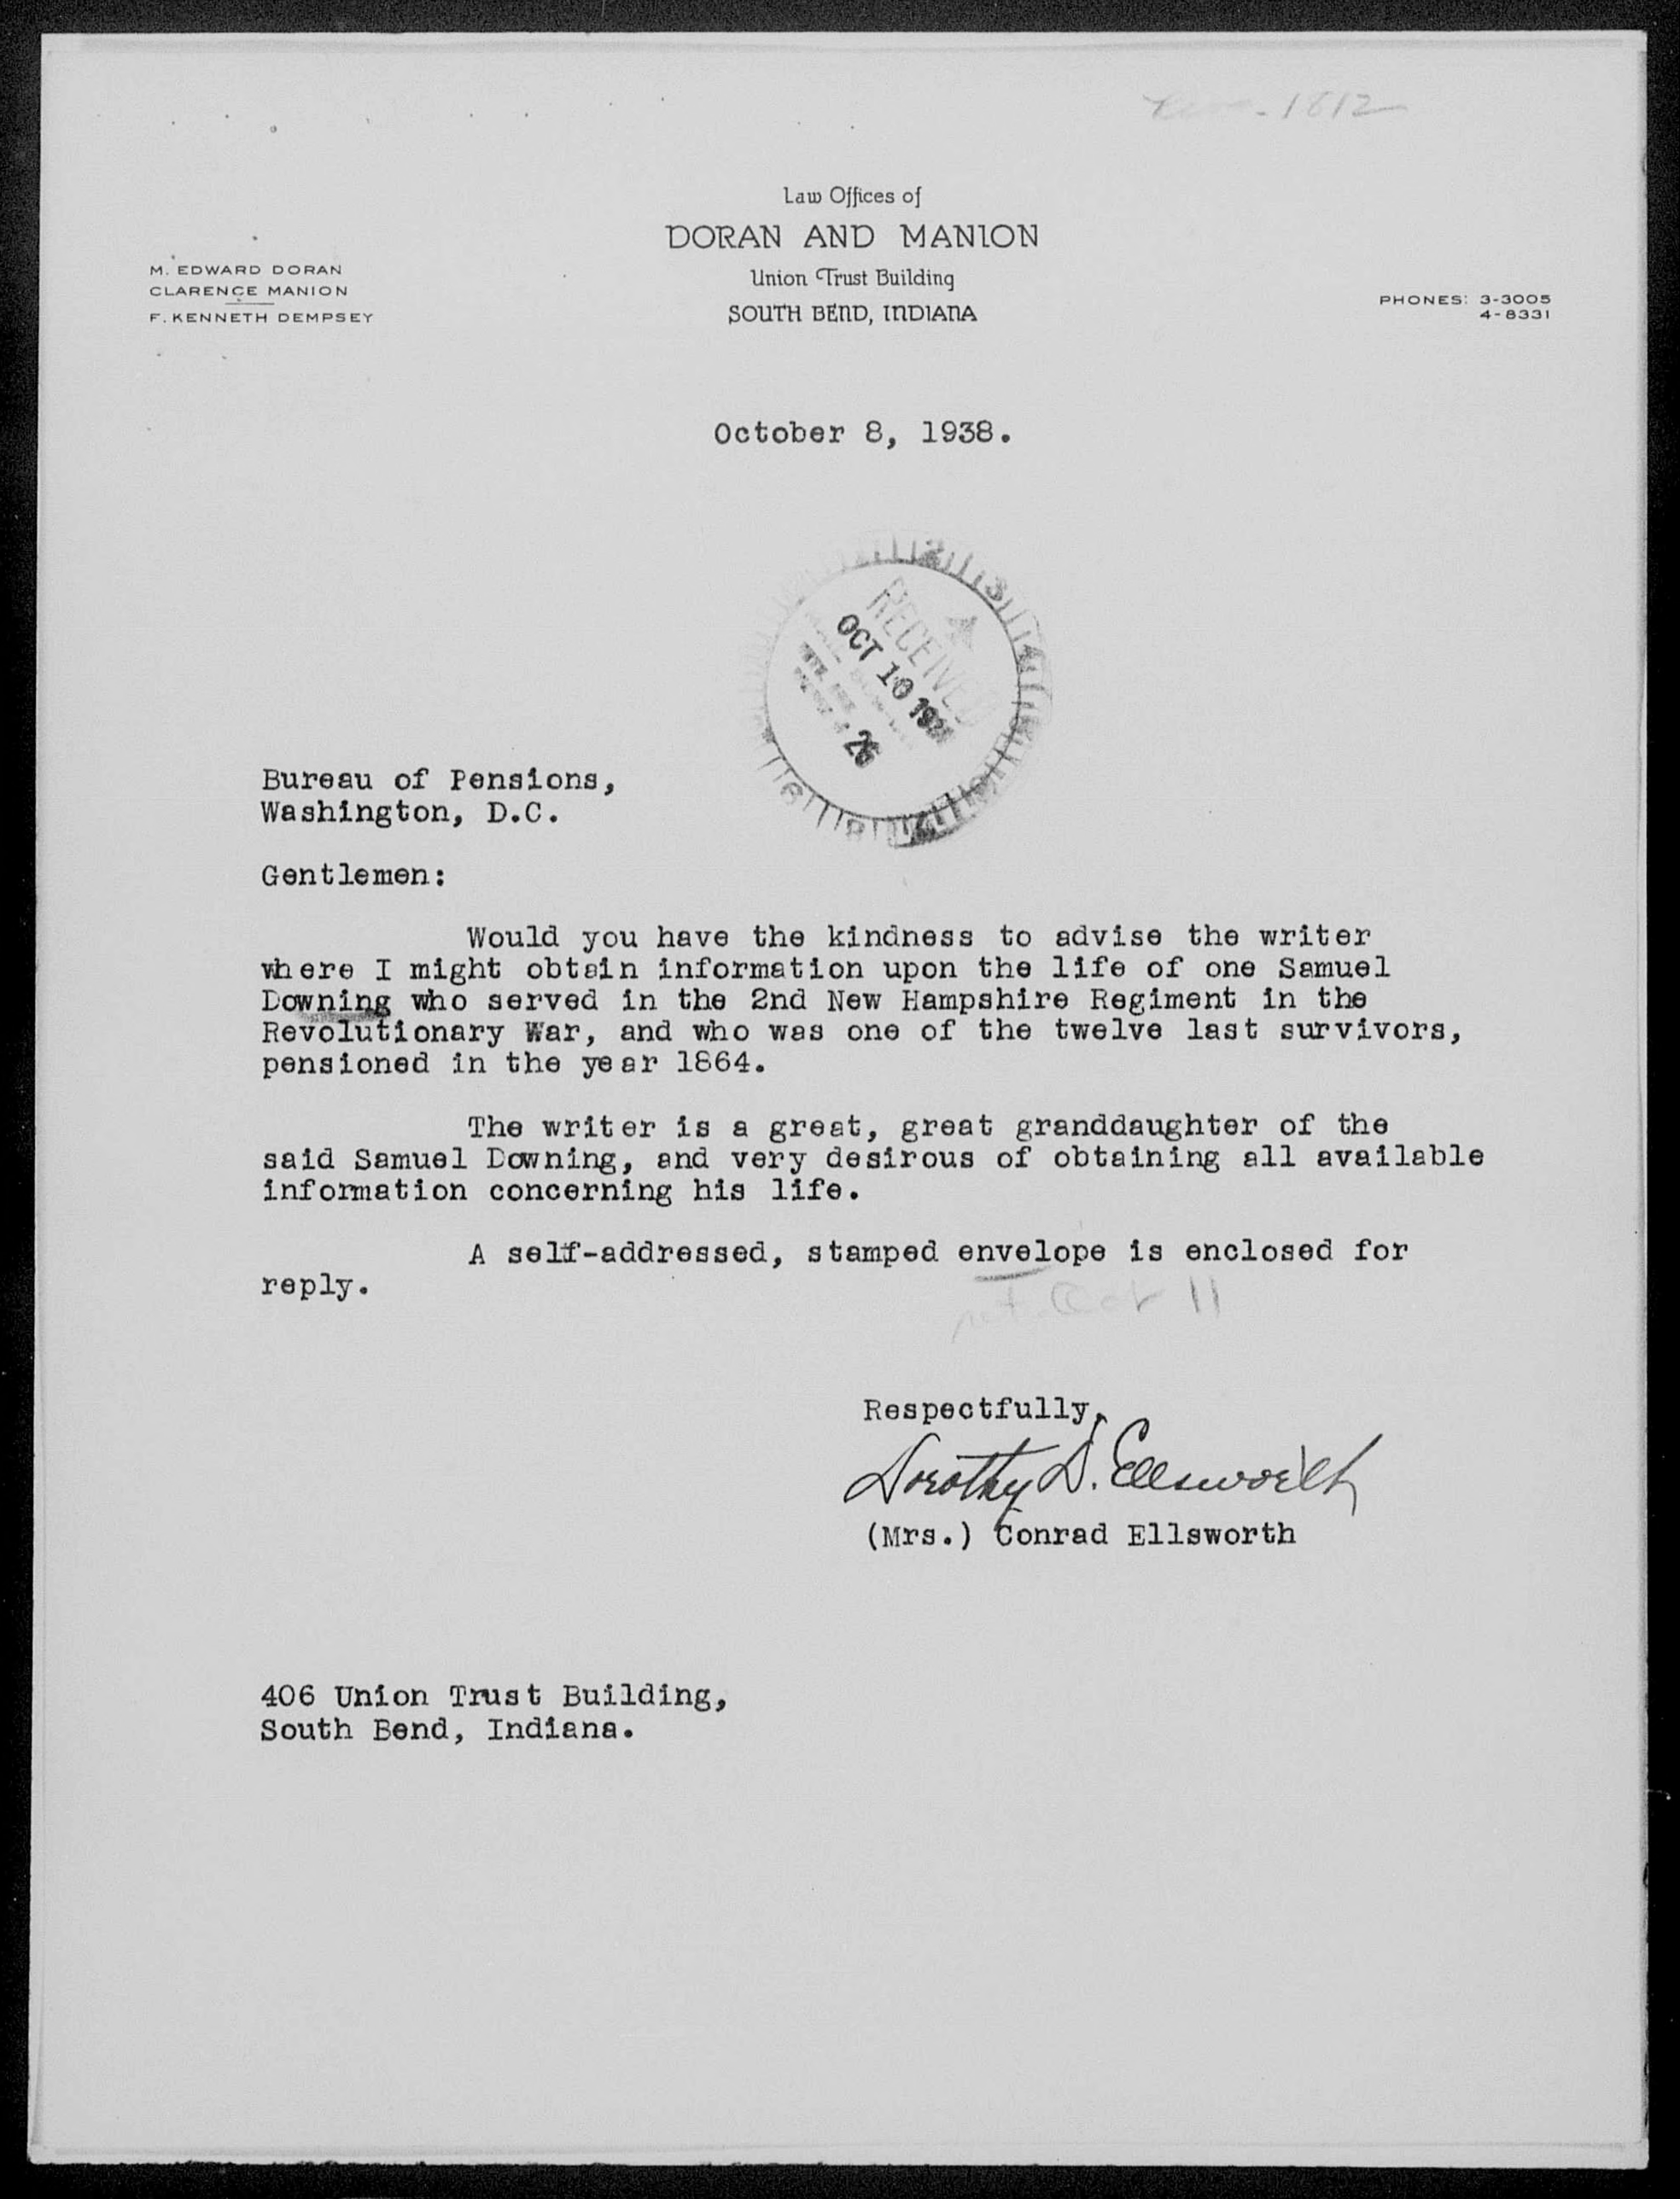Law Offices of
DORAN AND MANION
Union Trust Building
SOUTH BEND, INDIANA
October 8, 1938.

M. EDWARD DORAN
CLARENCE MANION
F. KENNETH DEMPSEY

[Imprint of stamp]
RECEIVED Oct 10 1938

Bureau of Pensions,
Washington, D.C.

Gentlemen:
Would you have the kindness to advise the writer where I might obtain information upon the life of one Samuel Downing who served in the 2nd New Hampshire Regiment in the Revolutionary War, and who was one of the last twelve survivors, pensioned in the year 1864.
The writer is a great, great granddaughter of the said Samuel Downing, and very desirous of obtaining all available information concerning his life.
A self-addressed, stamped envelope is enclosed for reply.
Respectfully 
Signature of Dorothy D. Ellsworth 
(Mrs.) Conrad Ellsworth

406 Union Trust Building,
South Bend, Indiana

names: Samuel Downing, M Edward Doran, Conrad Ellsworth, Clarence Manion, F Kenneth Dempsey, Dorothy D Ellsworth, Samuel Downing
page: 27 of 56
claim: survivor's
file: S. 40,055, Samuel Downing, N.H.